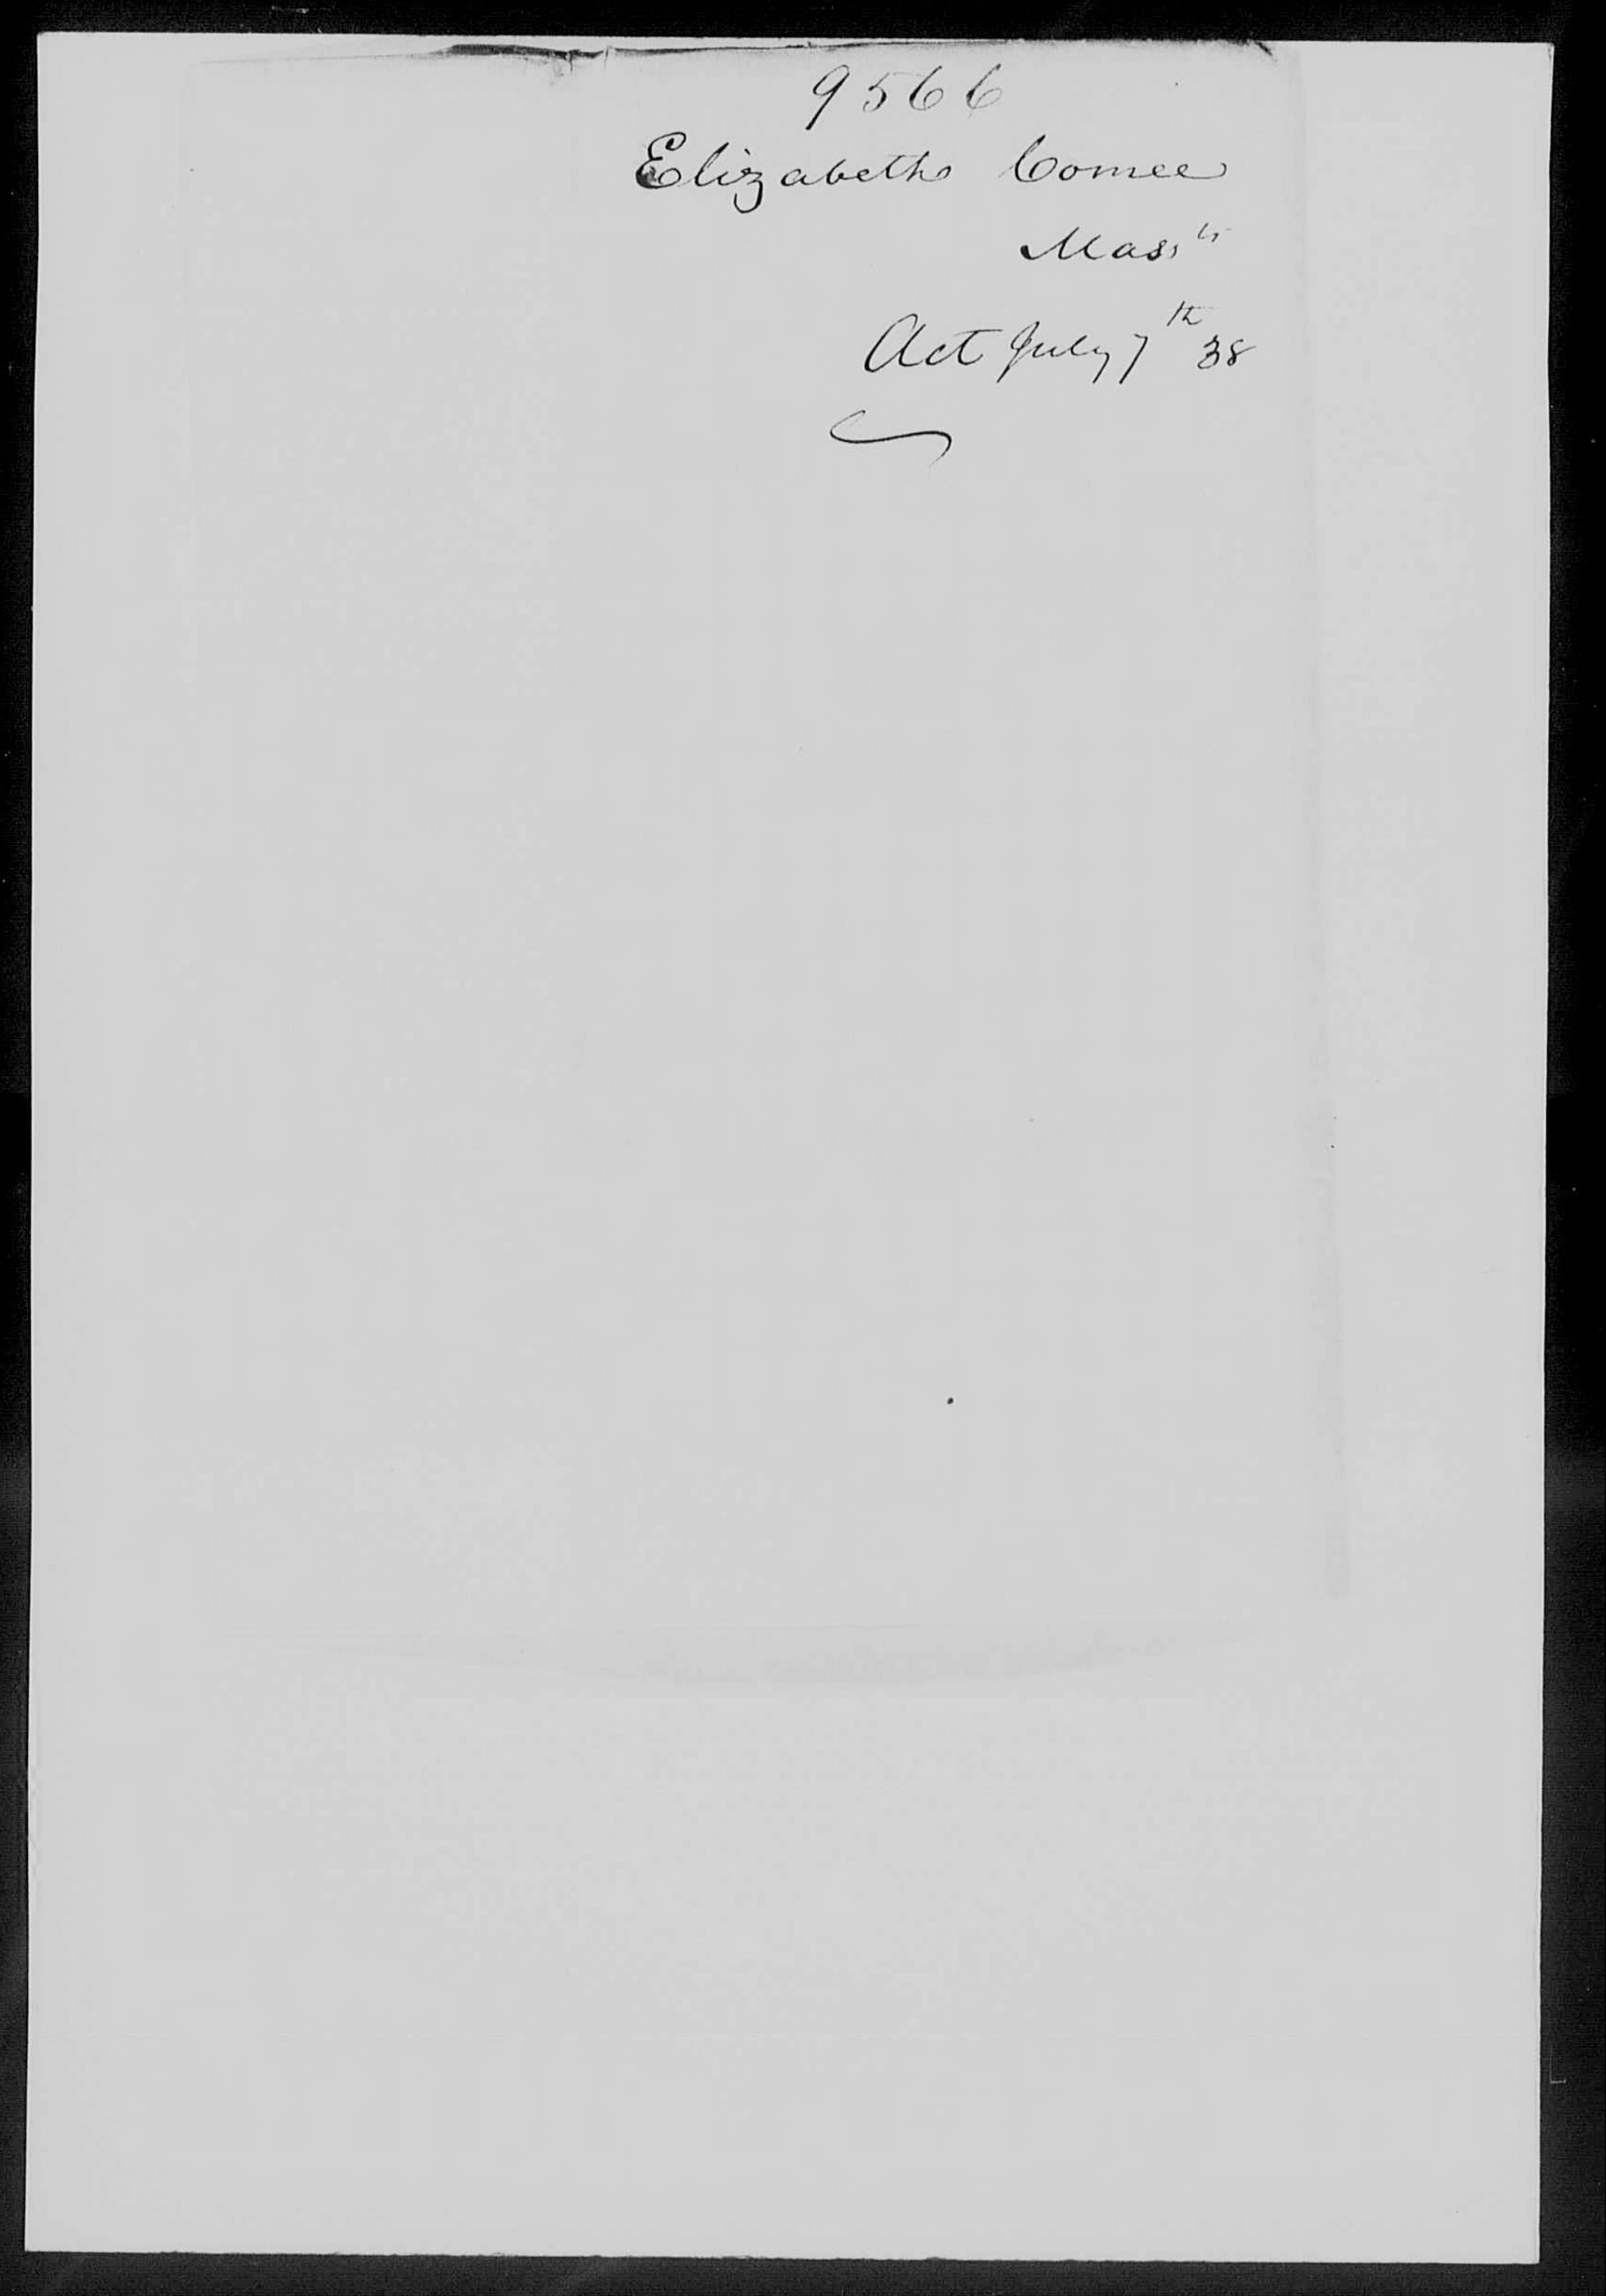9566
Elizabeth Comee
Mass’ts

Act July 7th 38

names: Elizabeth Comee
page: 42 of 45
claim: widow's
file: W. 14,567, Oliver Comee, Mass.